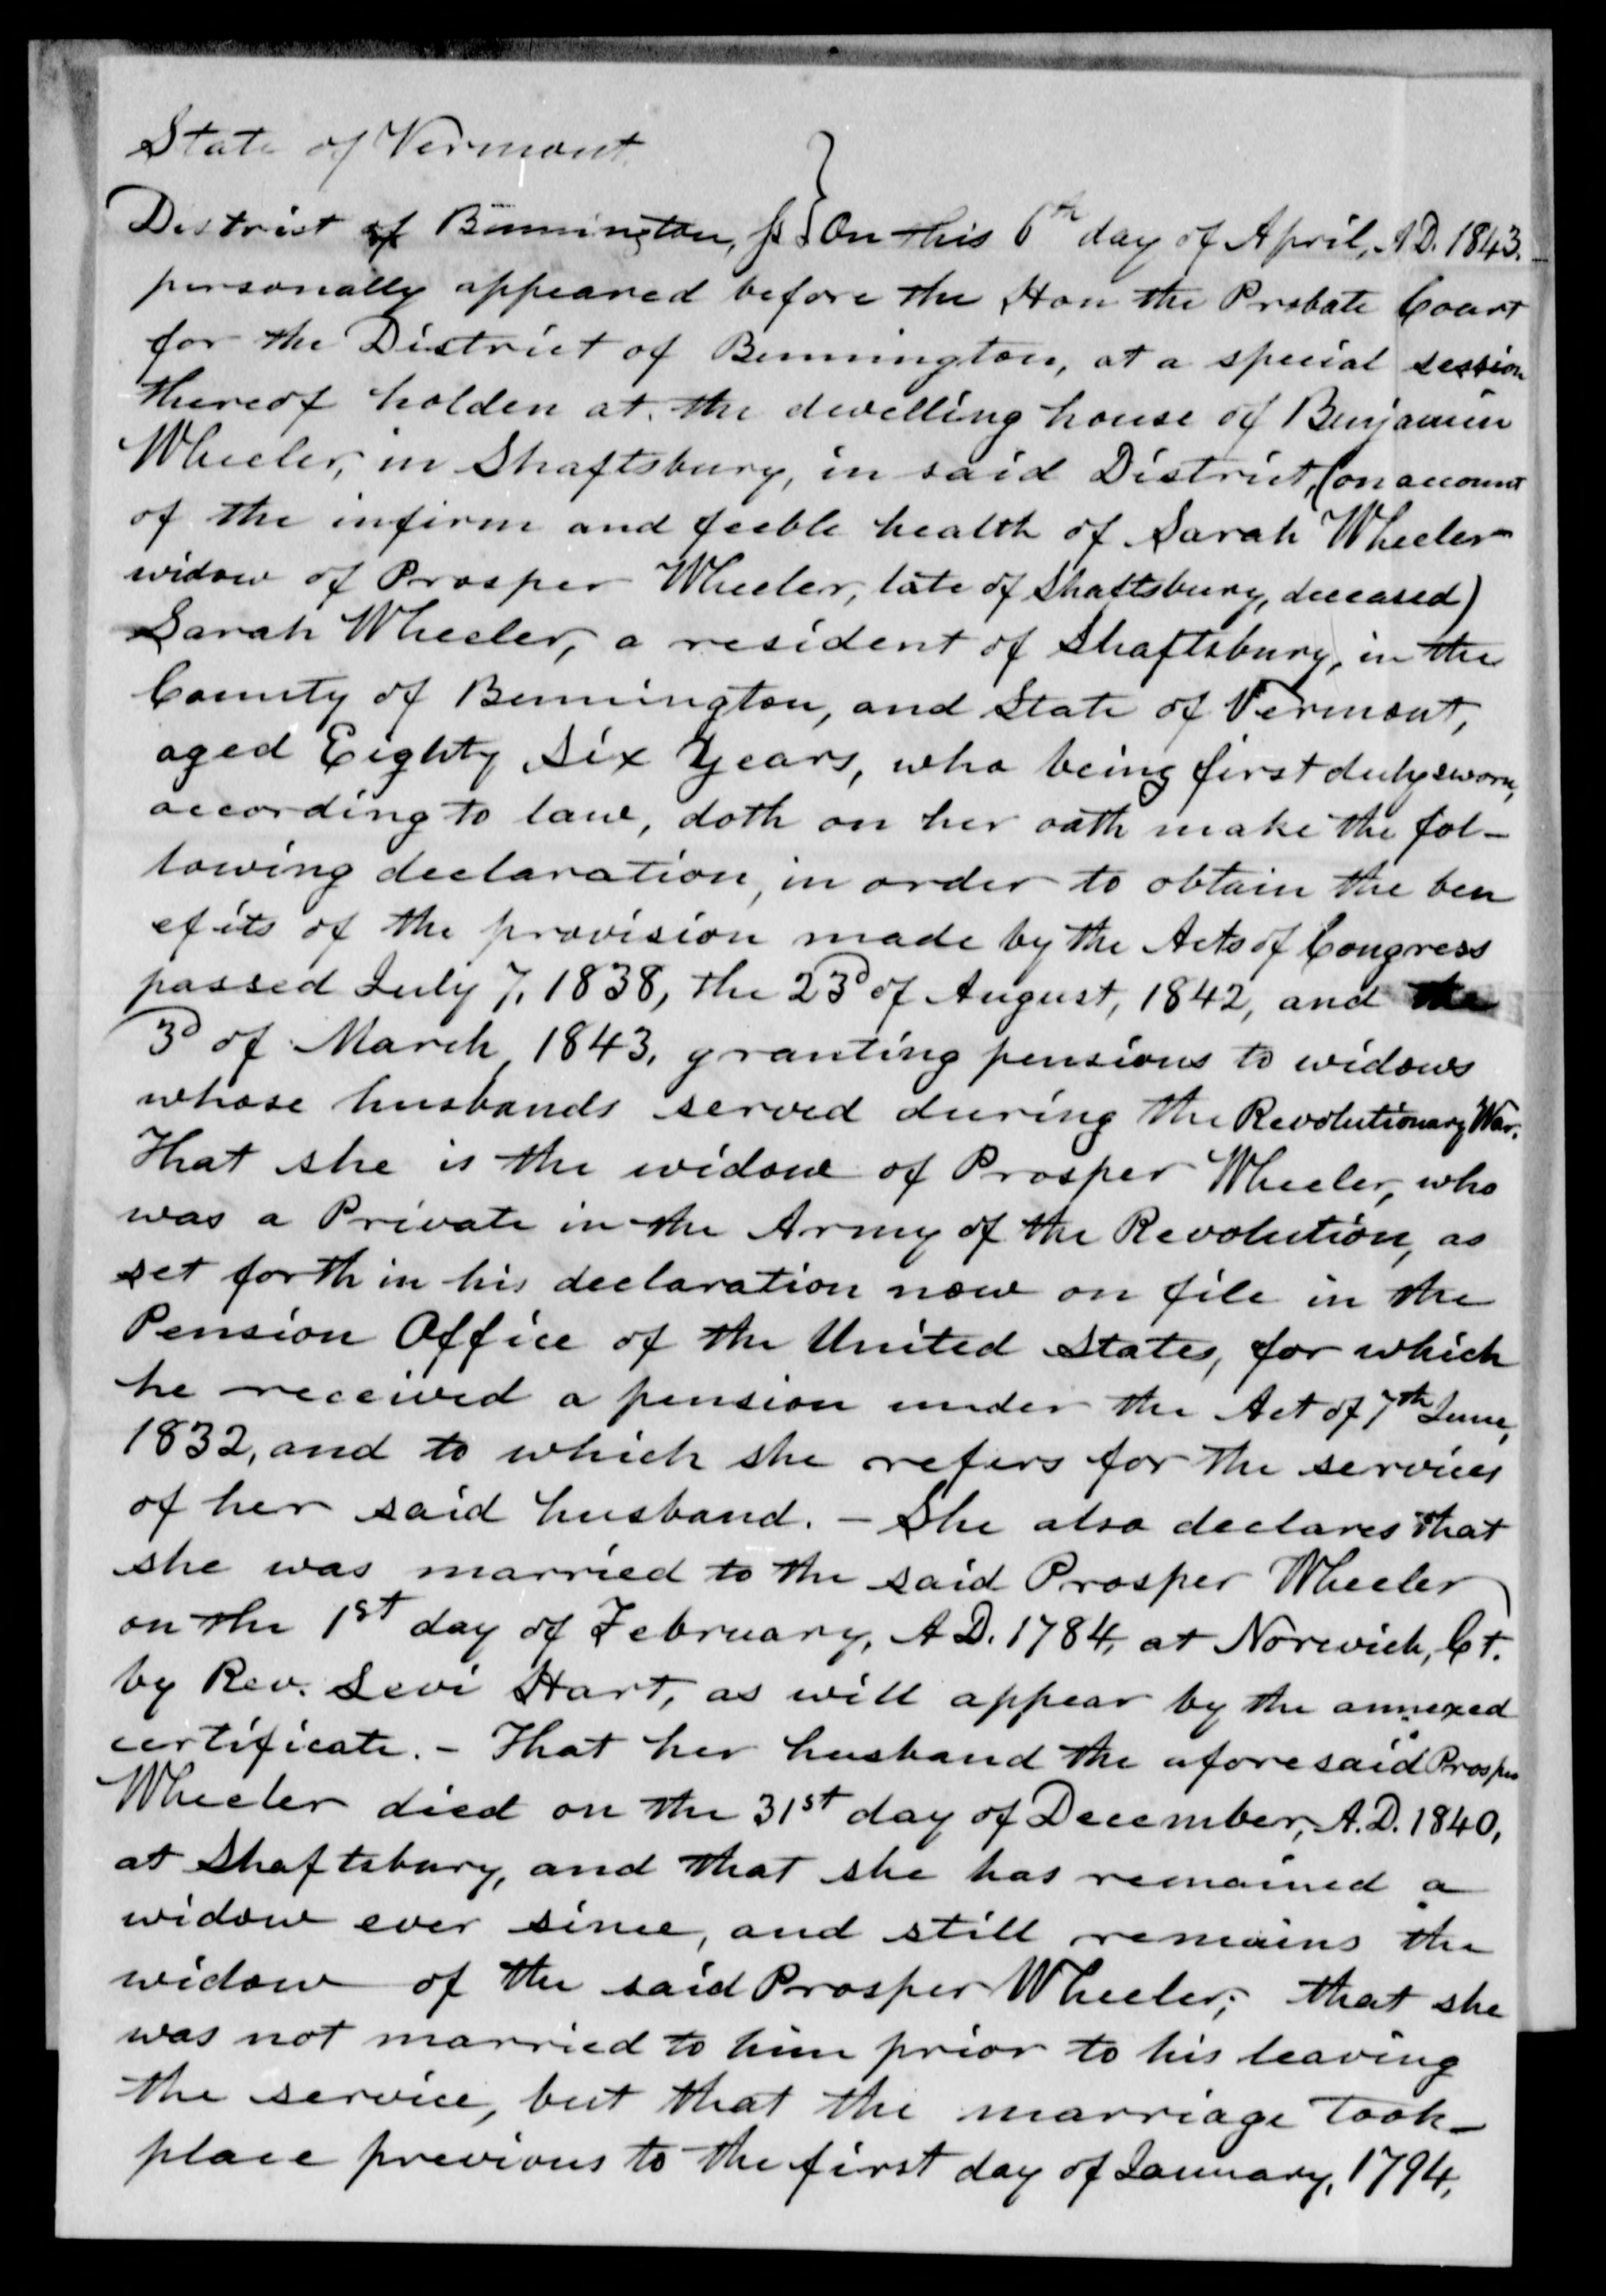State of Vermont
District of Bennington, ss ⎬ 
On this 6th day of April A.D. 1843. personally appeared before the Hon the Probate Court for the District of Bennington, at a special Session thereof holden at the dwelling house of Benjamin Wheeler, in Shaftsbury, in said District, (on account of the infirm and feeble health of Sarah Wheeler widow of Prosper Wheeler, late of Shaftsbury, deceased) Sarah Wheeler, a resident of Shaftsbury in the County of Bennington, and State of Vermont, aged Eighty Six years, who being first duly sworn according to law, doth on her oath make the following declaration, in order to obtain the benefits of the provision made by the Acts of Congress passed July 7, 1838, the 23d of August, 1842, and the 3d of March, 1843, granting pensions to widows whose husbands served during the Revolutionary War.
That she is the widow of Prosper Wheeler, who was a Private in the Army of the Revolution as set forth in his declaration now on file in the Pension Office of the United States, for which he received a pension under the Act of 7th June 1832, and to which she refers for the services of her said husband. ─ She also declares that she was married to the said Prosper Wheeler on the 1st day of February, A.D. 1784, at Norwich, Ct. by Rev. Levi Hart, as will appear by the annexed certificate. ─ That her husband the aforesaid Prosper Wheeler died on the 31st day of December, A.D. 1840, at Shaftsbury, and that she has remained a widow ever since, and still remains the widow of the said Prosper Wheeler, that she was not married to him prior to his leaving the service, but that the marriage took place previous to the first day of January, 1794,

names: Sarah Wheeler, Levi Hart, Prosper Wheeler, Benjamin Wheeler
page: 16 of 29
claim: widow's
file: W. 22604, Prosper Wheeler, Conn.